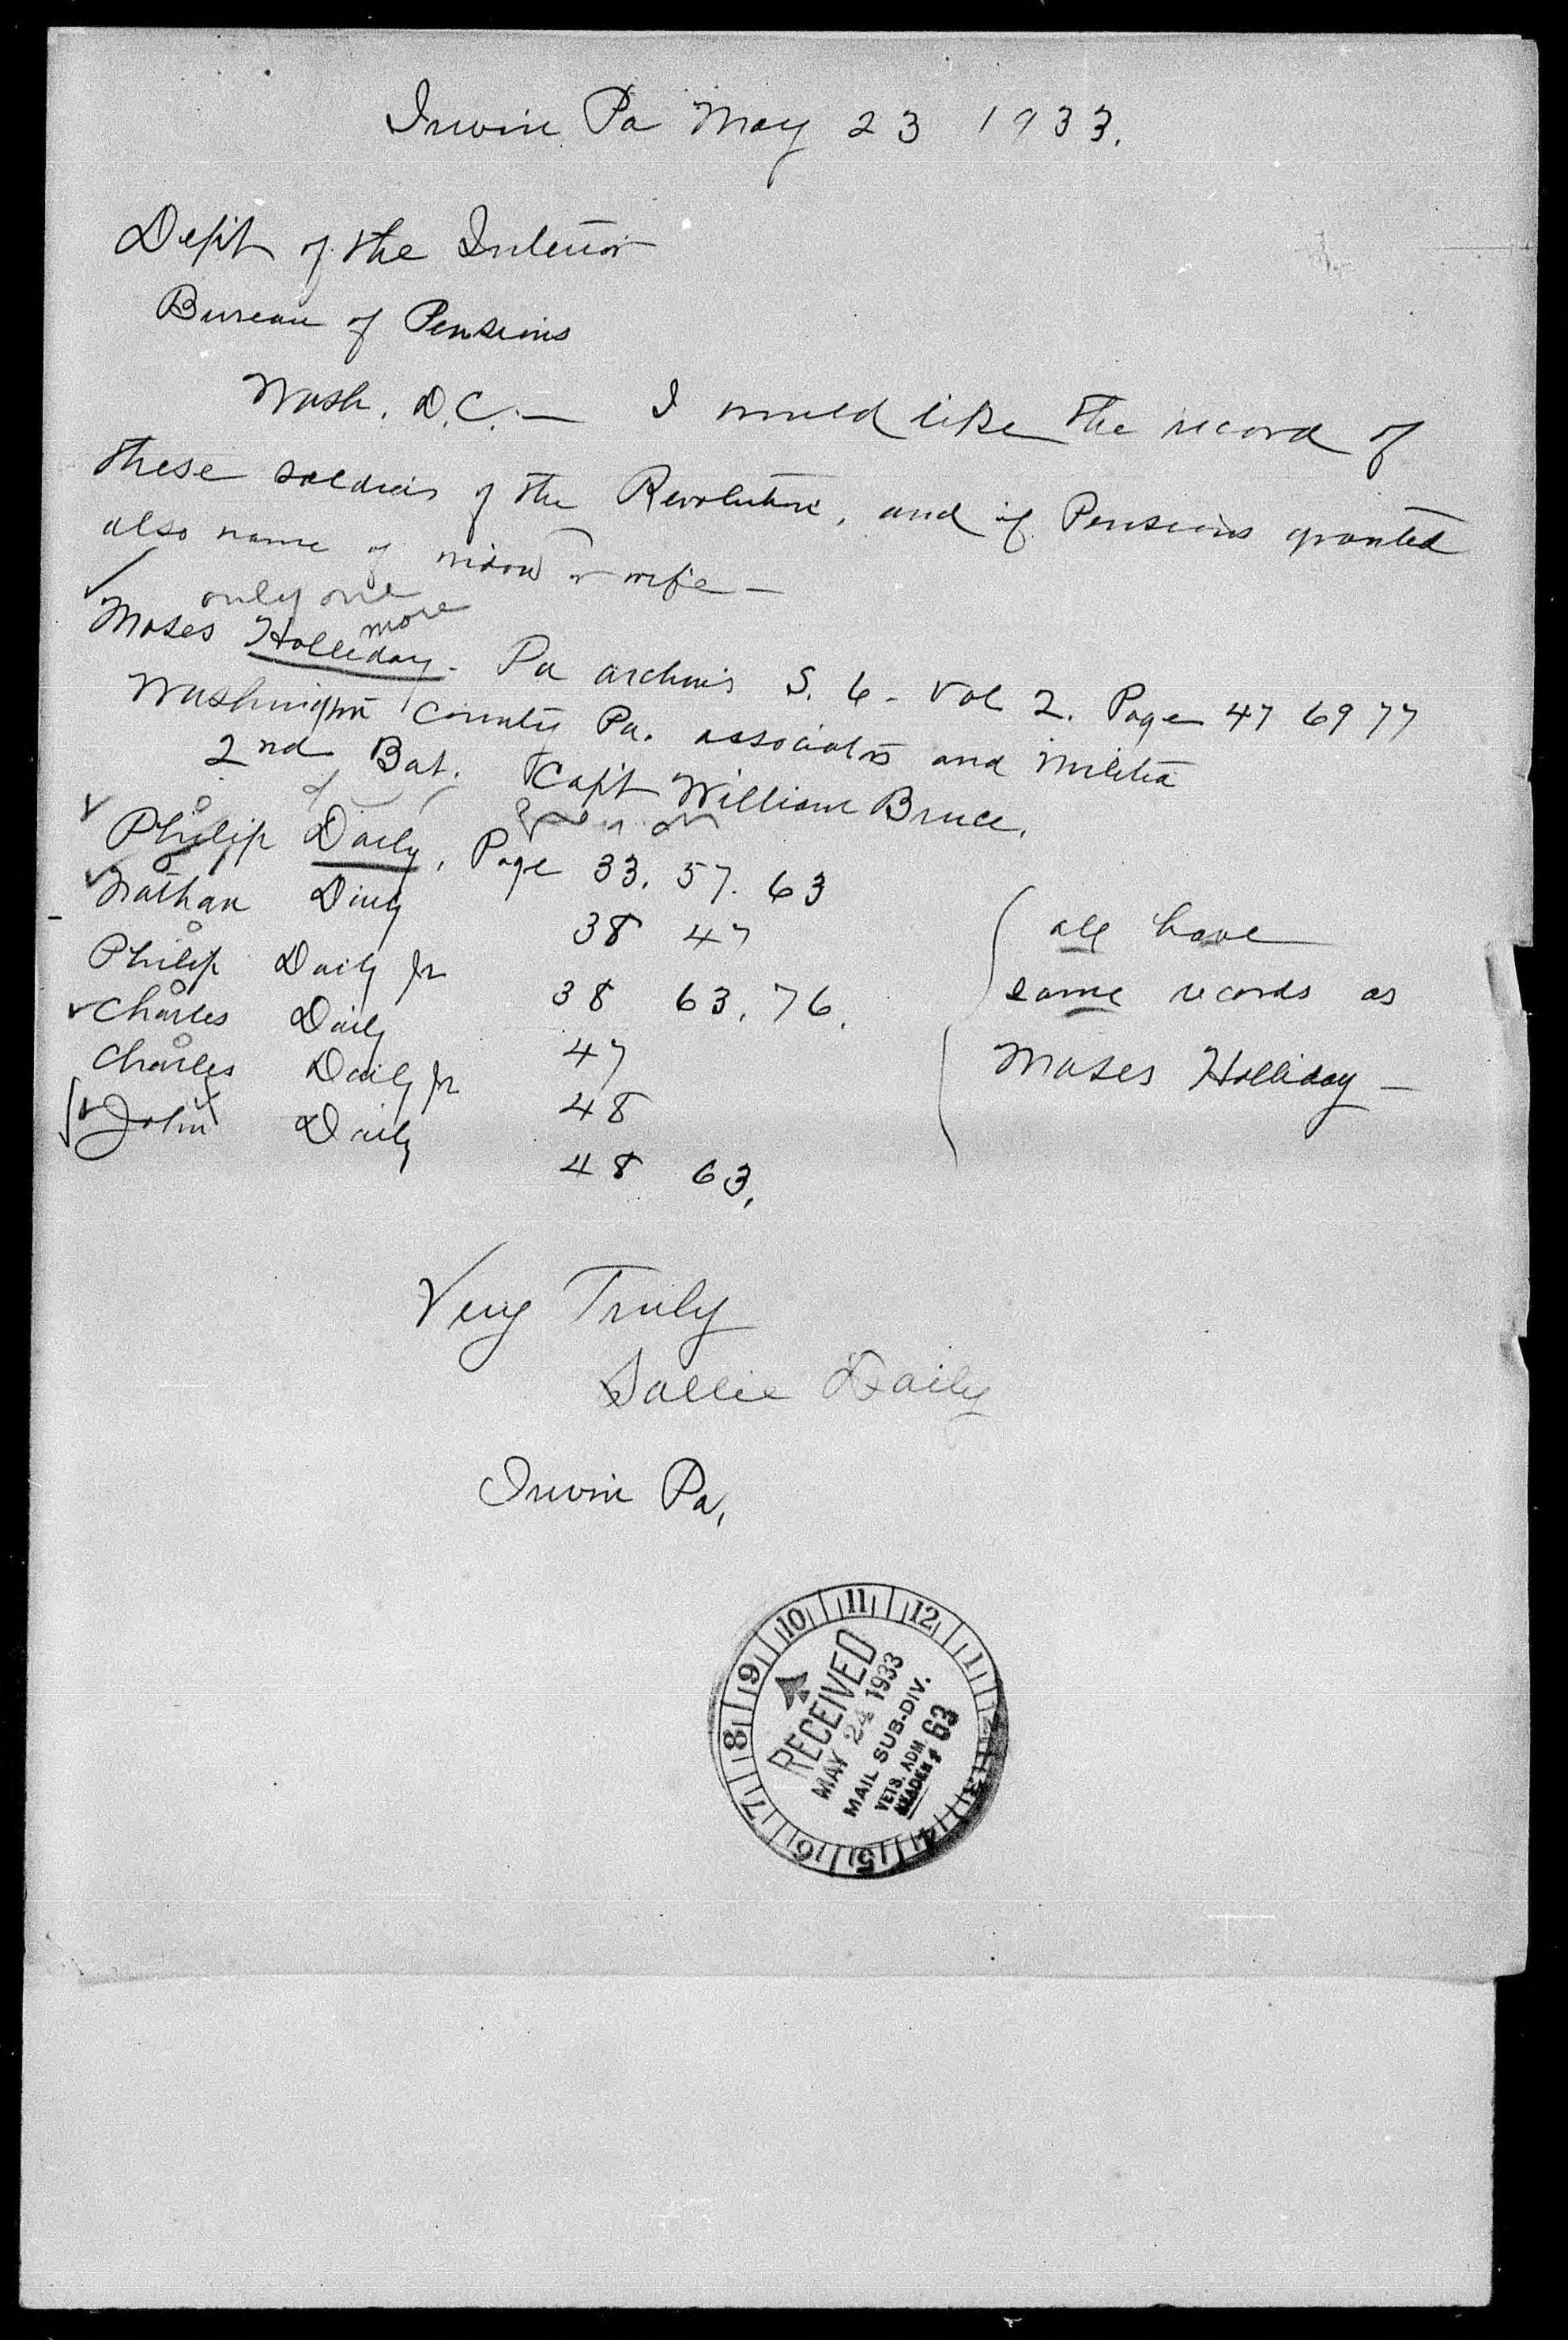Irwin Pa May 23 1933.

Dept of the Interior
Bureau of Pensions
Wash. D.C.-- I would like the record of these soldiers of the Revolution, and if Pensions granted also name of widow or wife--
[note between lines] only one more
[check mark]Moses Holliday- Pa archives S. 6 - vol 2. Page 47 69 77 
Washington County Pa. associates and militia
2nd Bat. Capt William Bruce.
[check mark] Philip Daily, Page 33, 57. 63
[check mark] Nathan Daily        38  47
[dash] Philip Daily Jr                  38  63. 76.
[check mark] Charles Daily        47
Charles Daily Jr                          48
[check mark] John Daily            48  63.

[note pointing to all the Dailys]
all have same records as Moses Holliday -

Very Truly
Sallie Daily

Irwin Pa,

[circular stamp, bottom]
RECEIVED
MAY 24 1933
MAIL SUB-DIV.
VETS. ADM.
READER # 63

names: Moses Holliday, Nathan Daily, Moses Holliday, Charles Daily, Philip Daily, William Bruce, Sallie Daily, Philip Daily, John Daily, Charles Daily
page: 58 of 63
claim: widow's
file: W. 3228, John Daly, Penn.